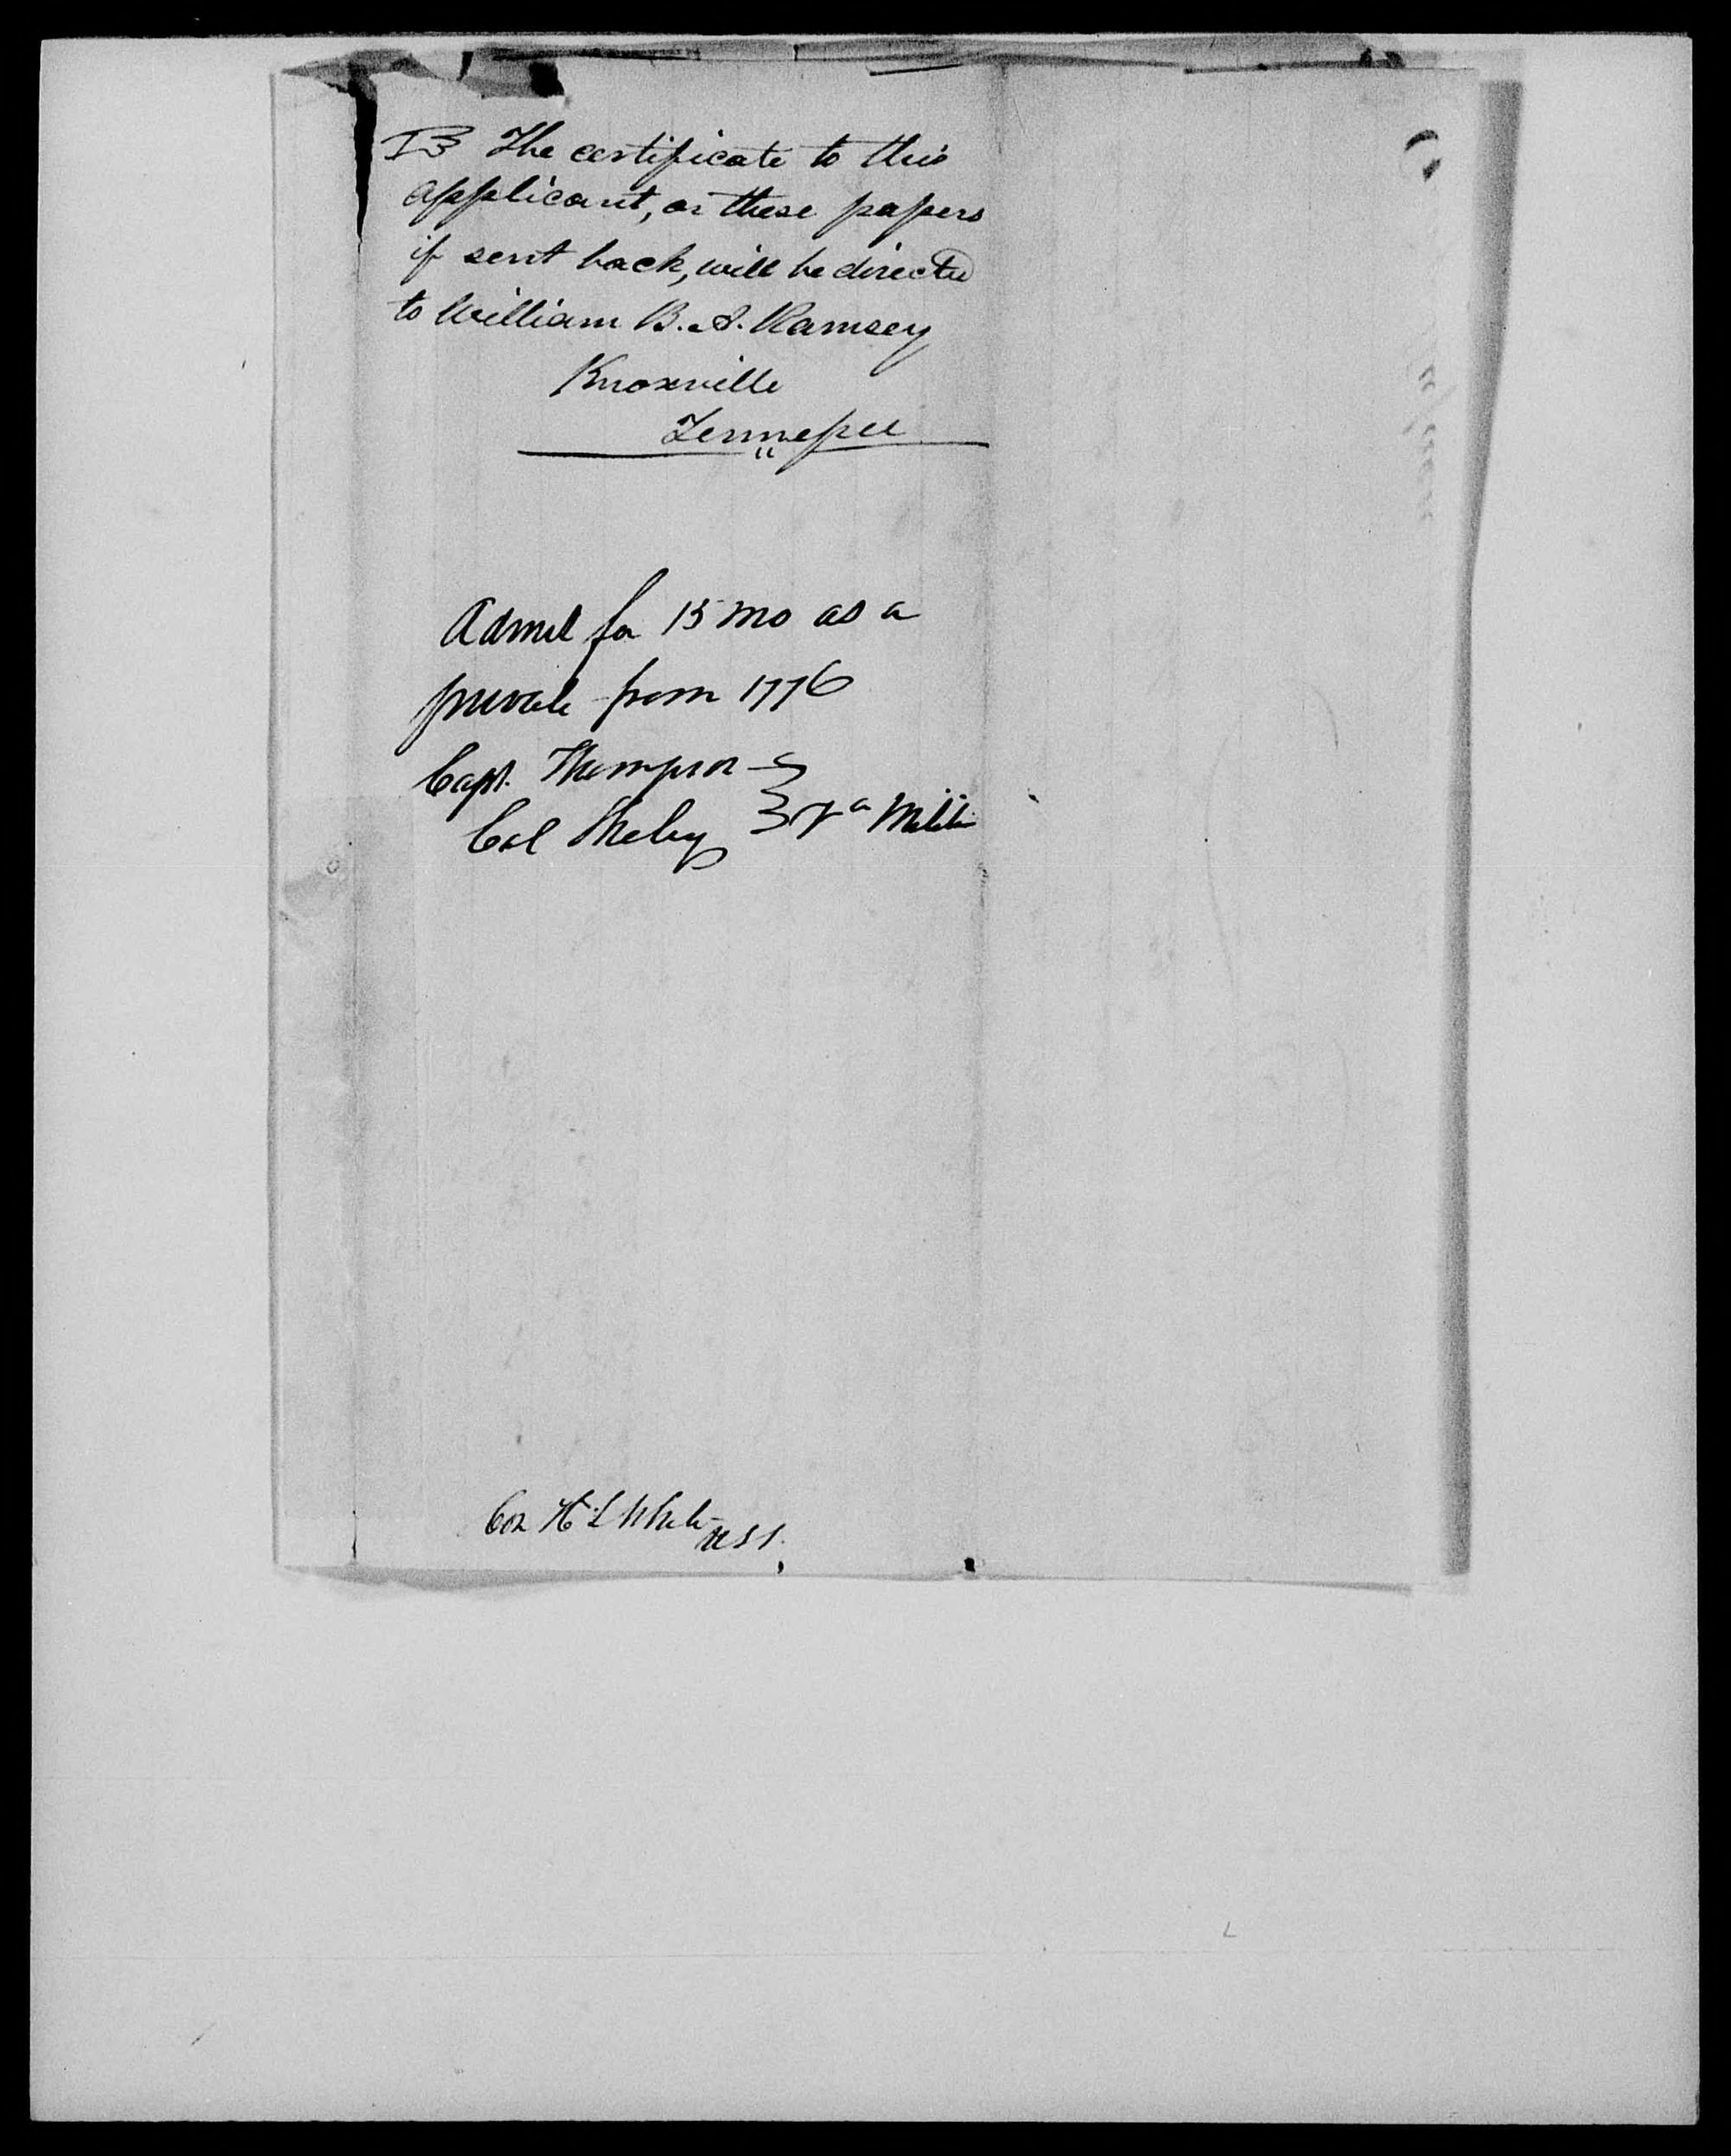[small illustration of a hand?]
The certificate to this applicant, or these papers if sent back, will be directed to William B. A. Ramsey, Knoxville Tennessee

Admit for 15 mo as a private from 1776
Capt. Thompson
Col Sheby
Va Militia

[illegible] H. L. White U.S.S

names: H L White, William B A Ramsey, Thompson, Sheley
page: 9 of 19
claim: survivor's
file: S. 1826, George Hufacre, Va.